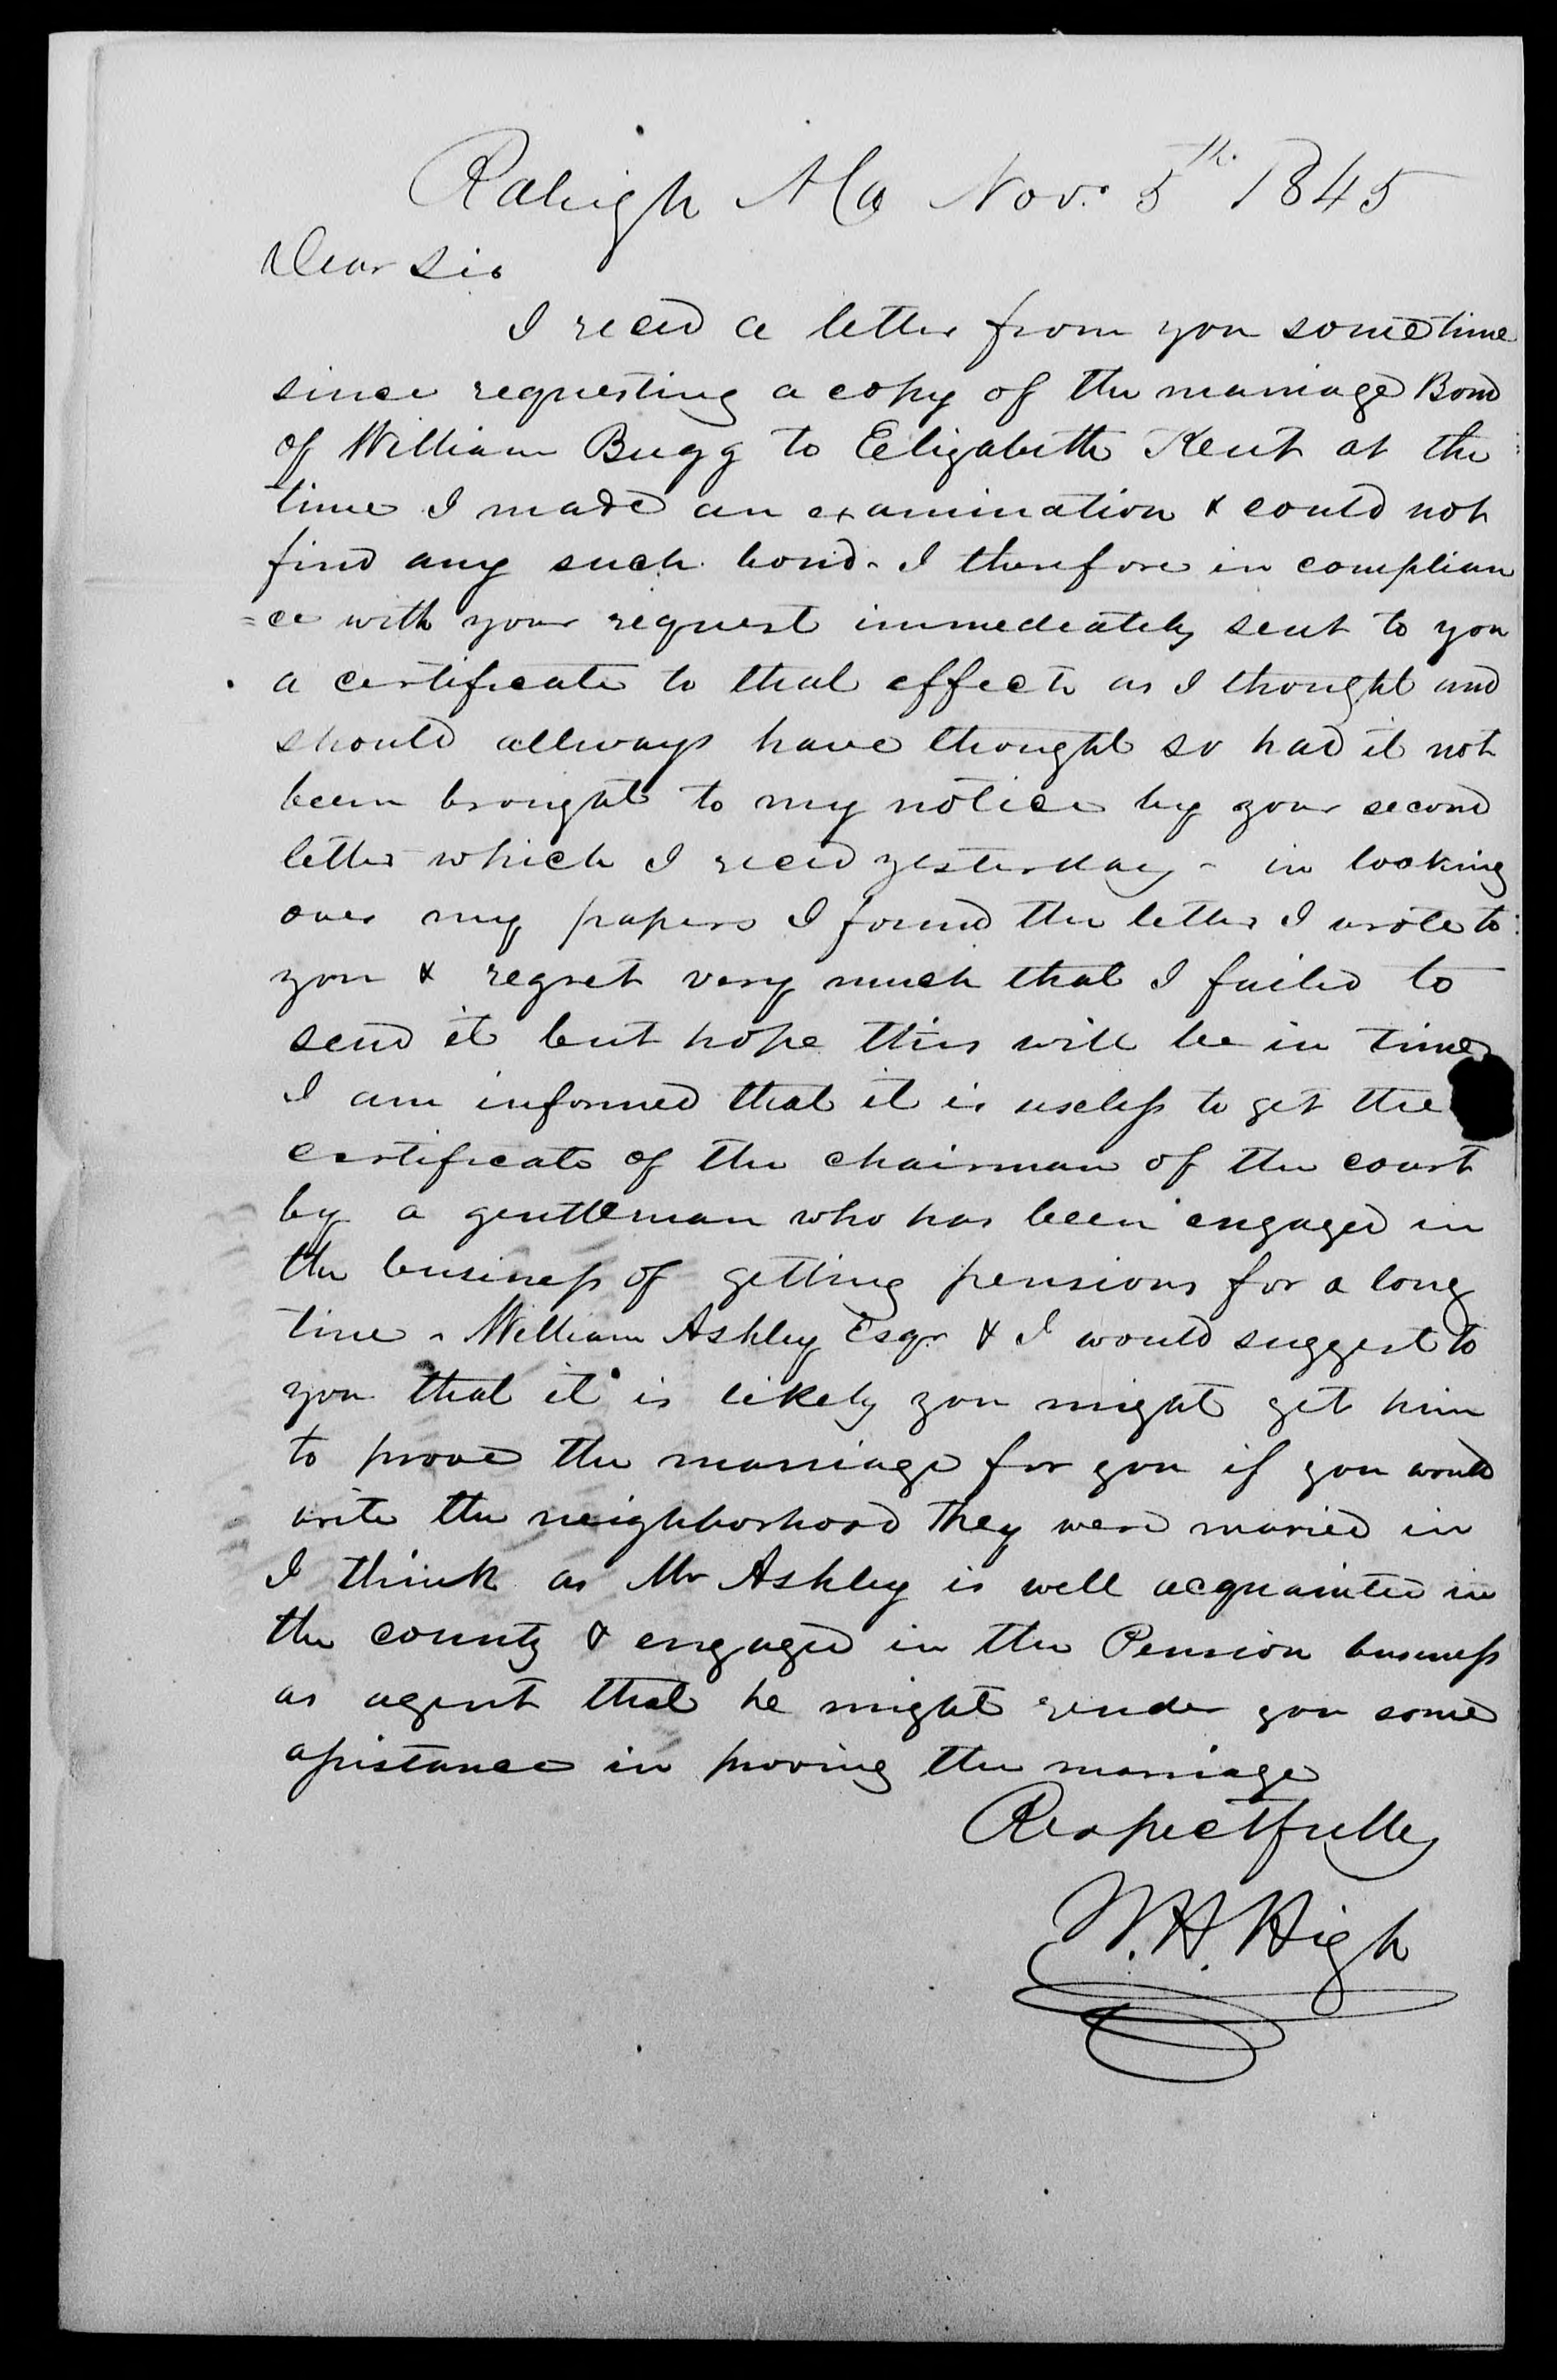Raleigh N Ca [North Carolina] Novr. 5th. 1845
Dear Sir

I recid [or recvd] a letter from you sometime since requesting a copy of the marriage Bond of William Bugg to Elizabith [or Elizabeth] Kent  at the time I made an examination & could not find any such bond.  I therefore in compliance with your request immediately sent to you a certificate to that effect as I thought and should allways have thought so had it not been brought to my notice by your second letter which I recid [or recvd] yesterday - in looking over my papers I found the letter I wrote to: you & regret very much that I failed to send it  but hope this will be in time

[Occasional spacing has been added to make the long text easier to read.]

I am informed that it is useless to get the [ink blot] certificate of the chairman of the court by a gentleman who has been engaged in the business of getting pensions for a long time - William Ashley Esqr. & I would suggest to you. that it is likely you might get him to prove the marriage for you if you would write the neighborhood they were maried in  

I think as Mr Ashley is well acquainted in the county & engaged in the Pension business as agent that he might render you some assistance in proving the marriage
Respectfully
N [or W.] H. High
[flourish]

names: Ashley, Elizabeth Kent, William Bugg, William Ashley, W H High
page: 40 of 50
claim: widow's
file: W. 898, William Bugg, N.C.